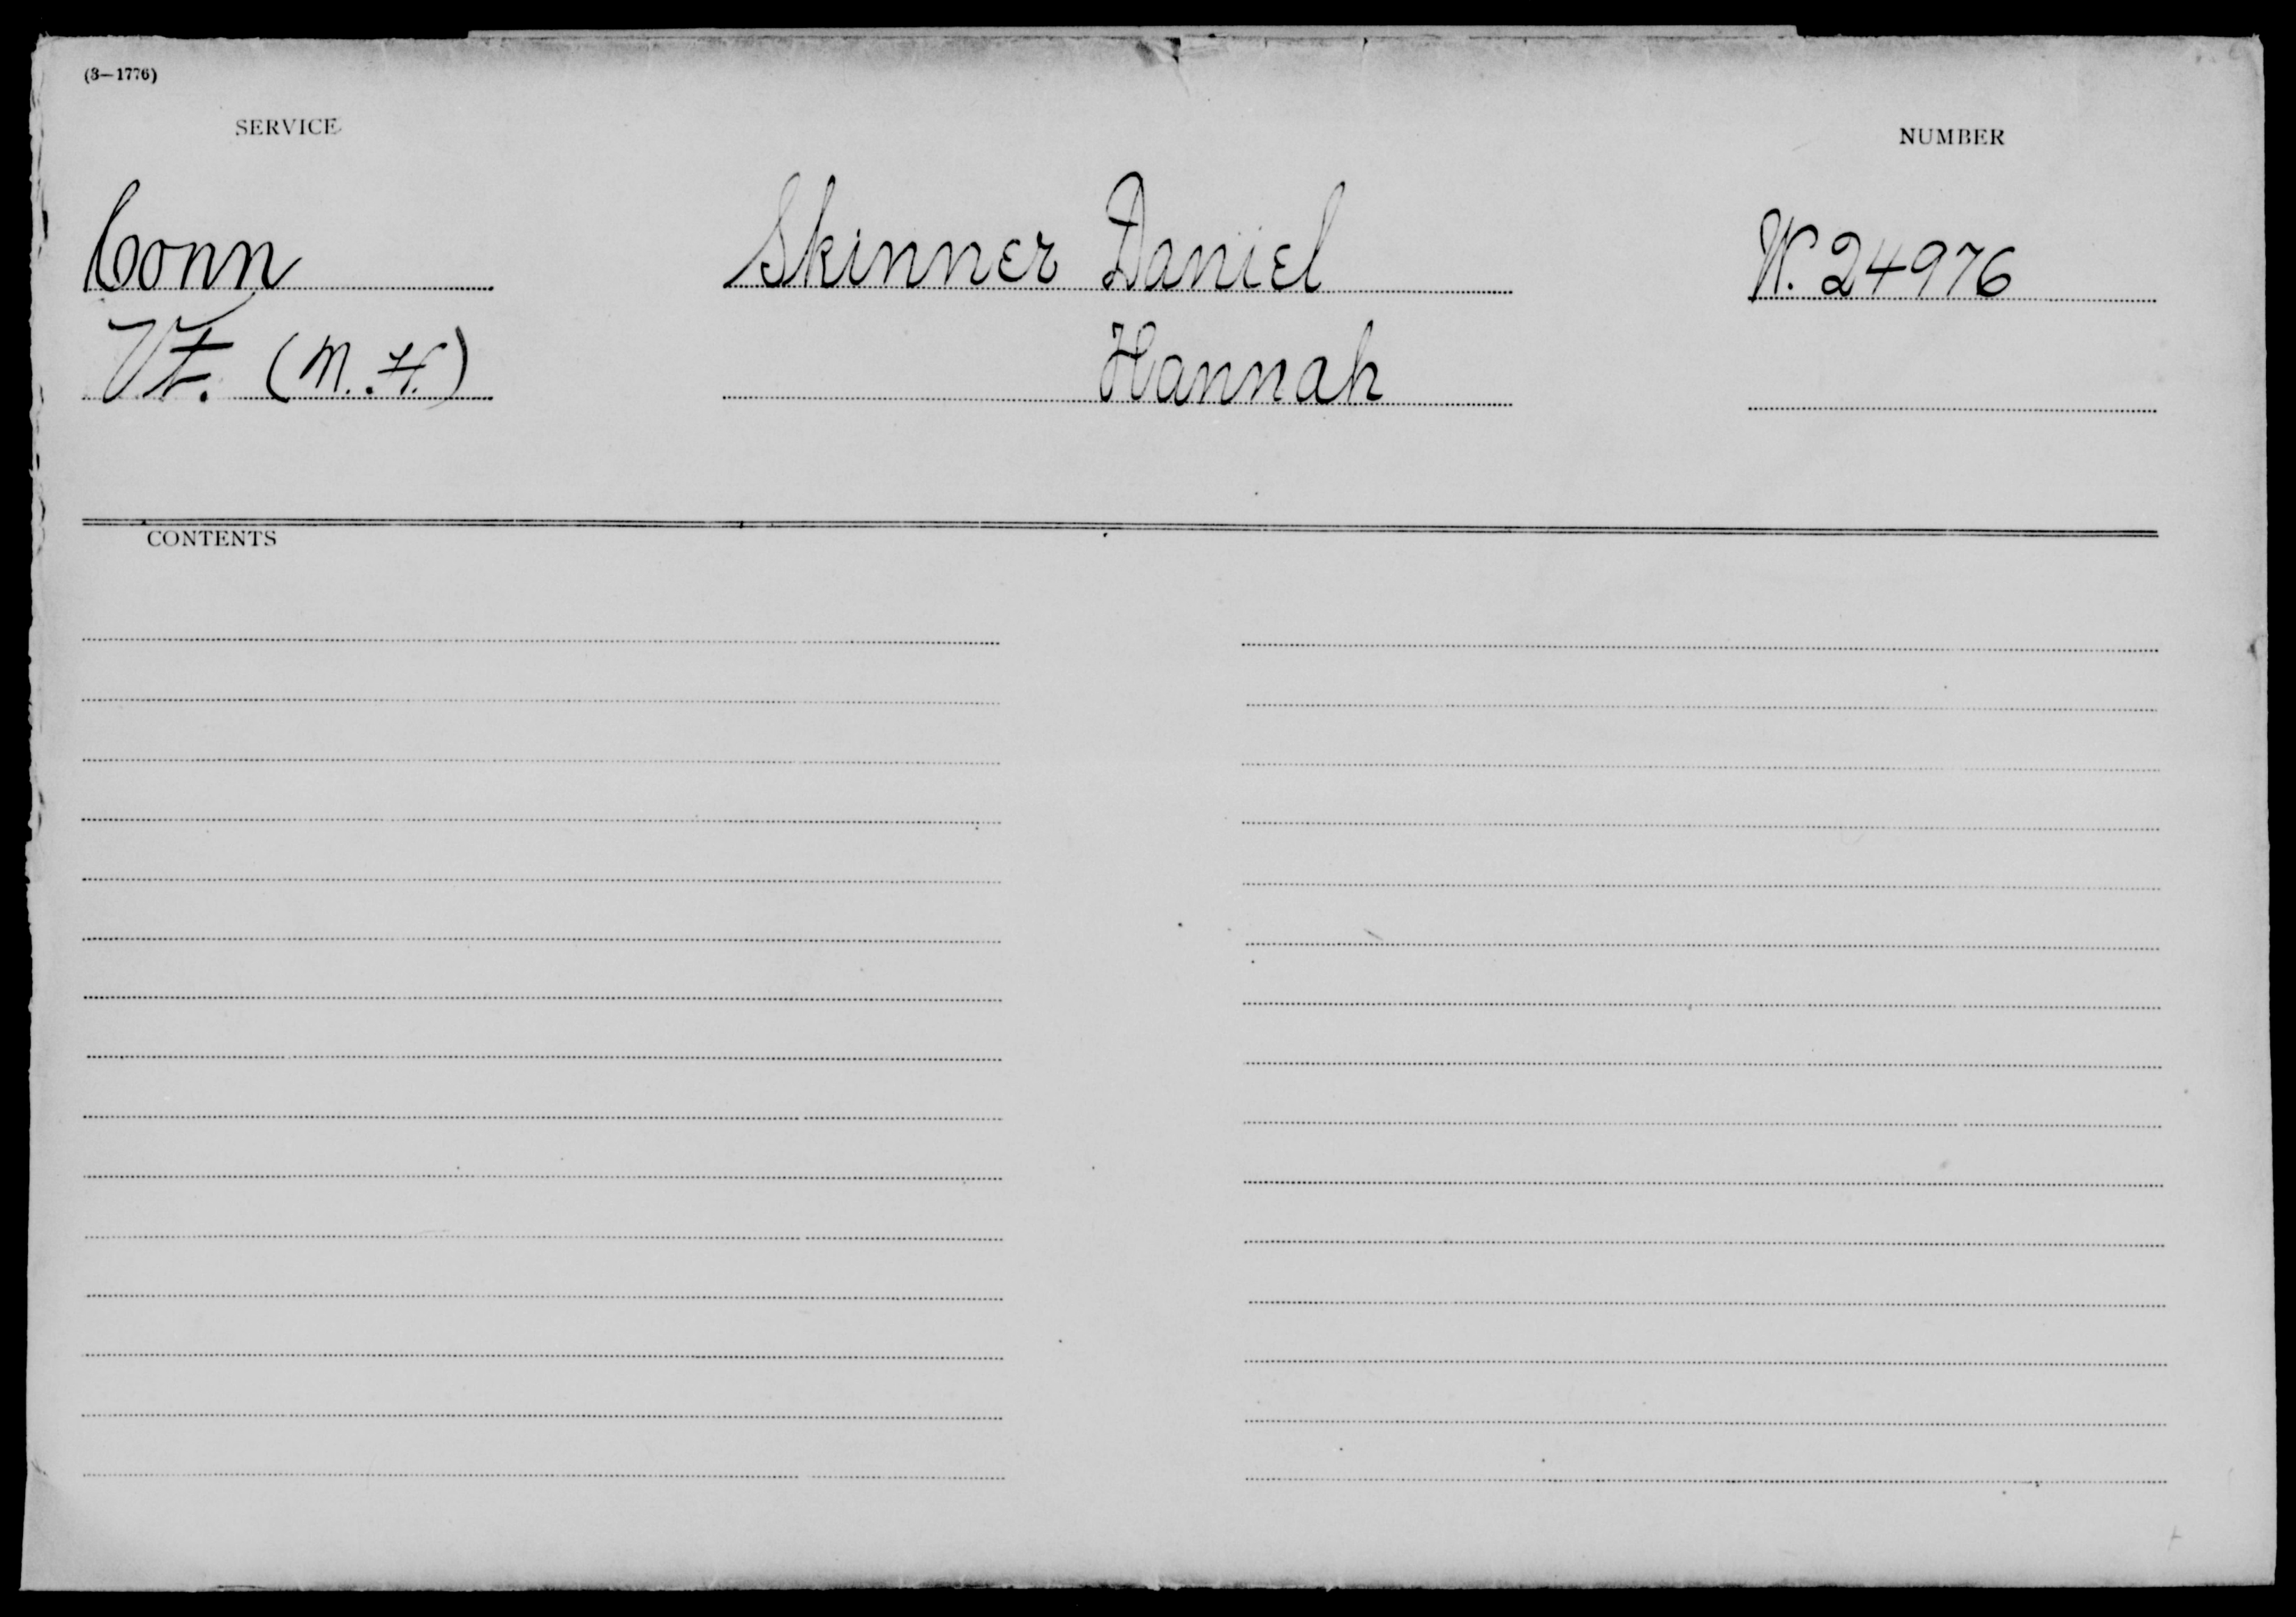Service: Conn. Vt. (N.H.)

Skinner, Daniel
Hannah

Number: W.24976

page: 1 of 46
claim: widow's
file: W. 24976, for Daniel Skinner, New Hampshire